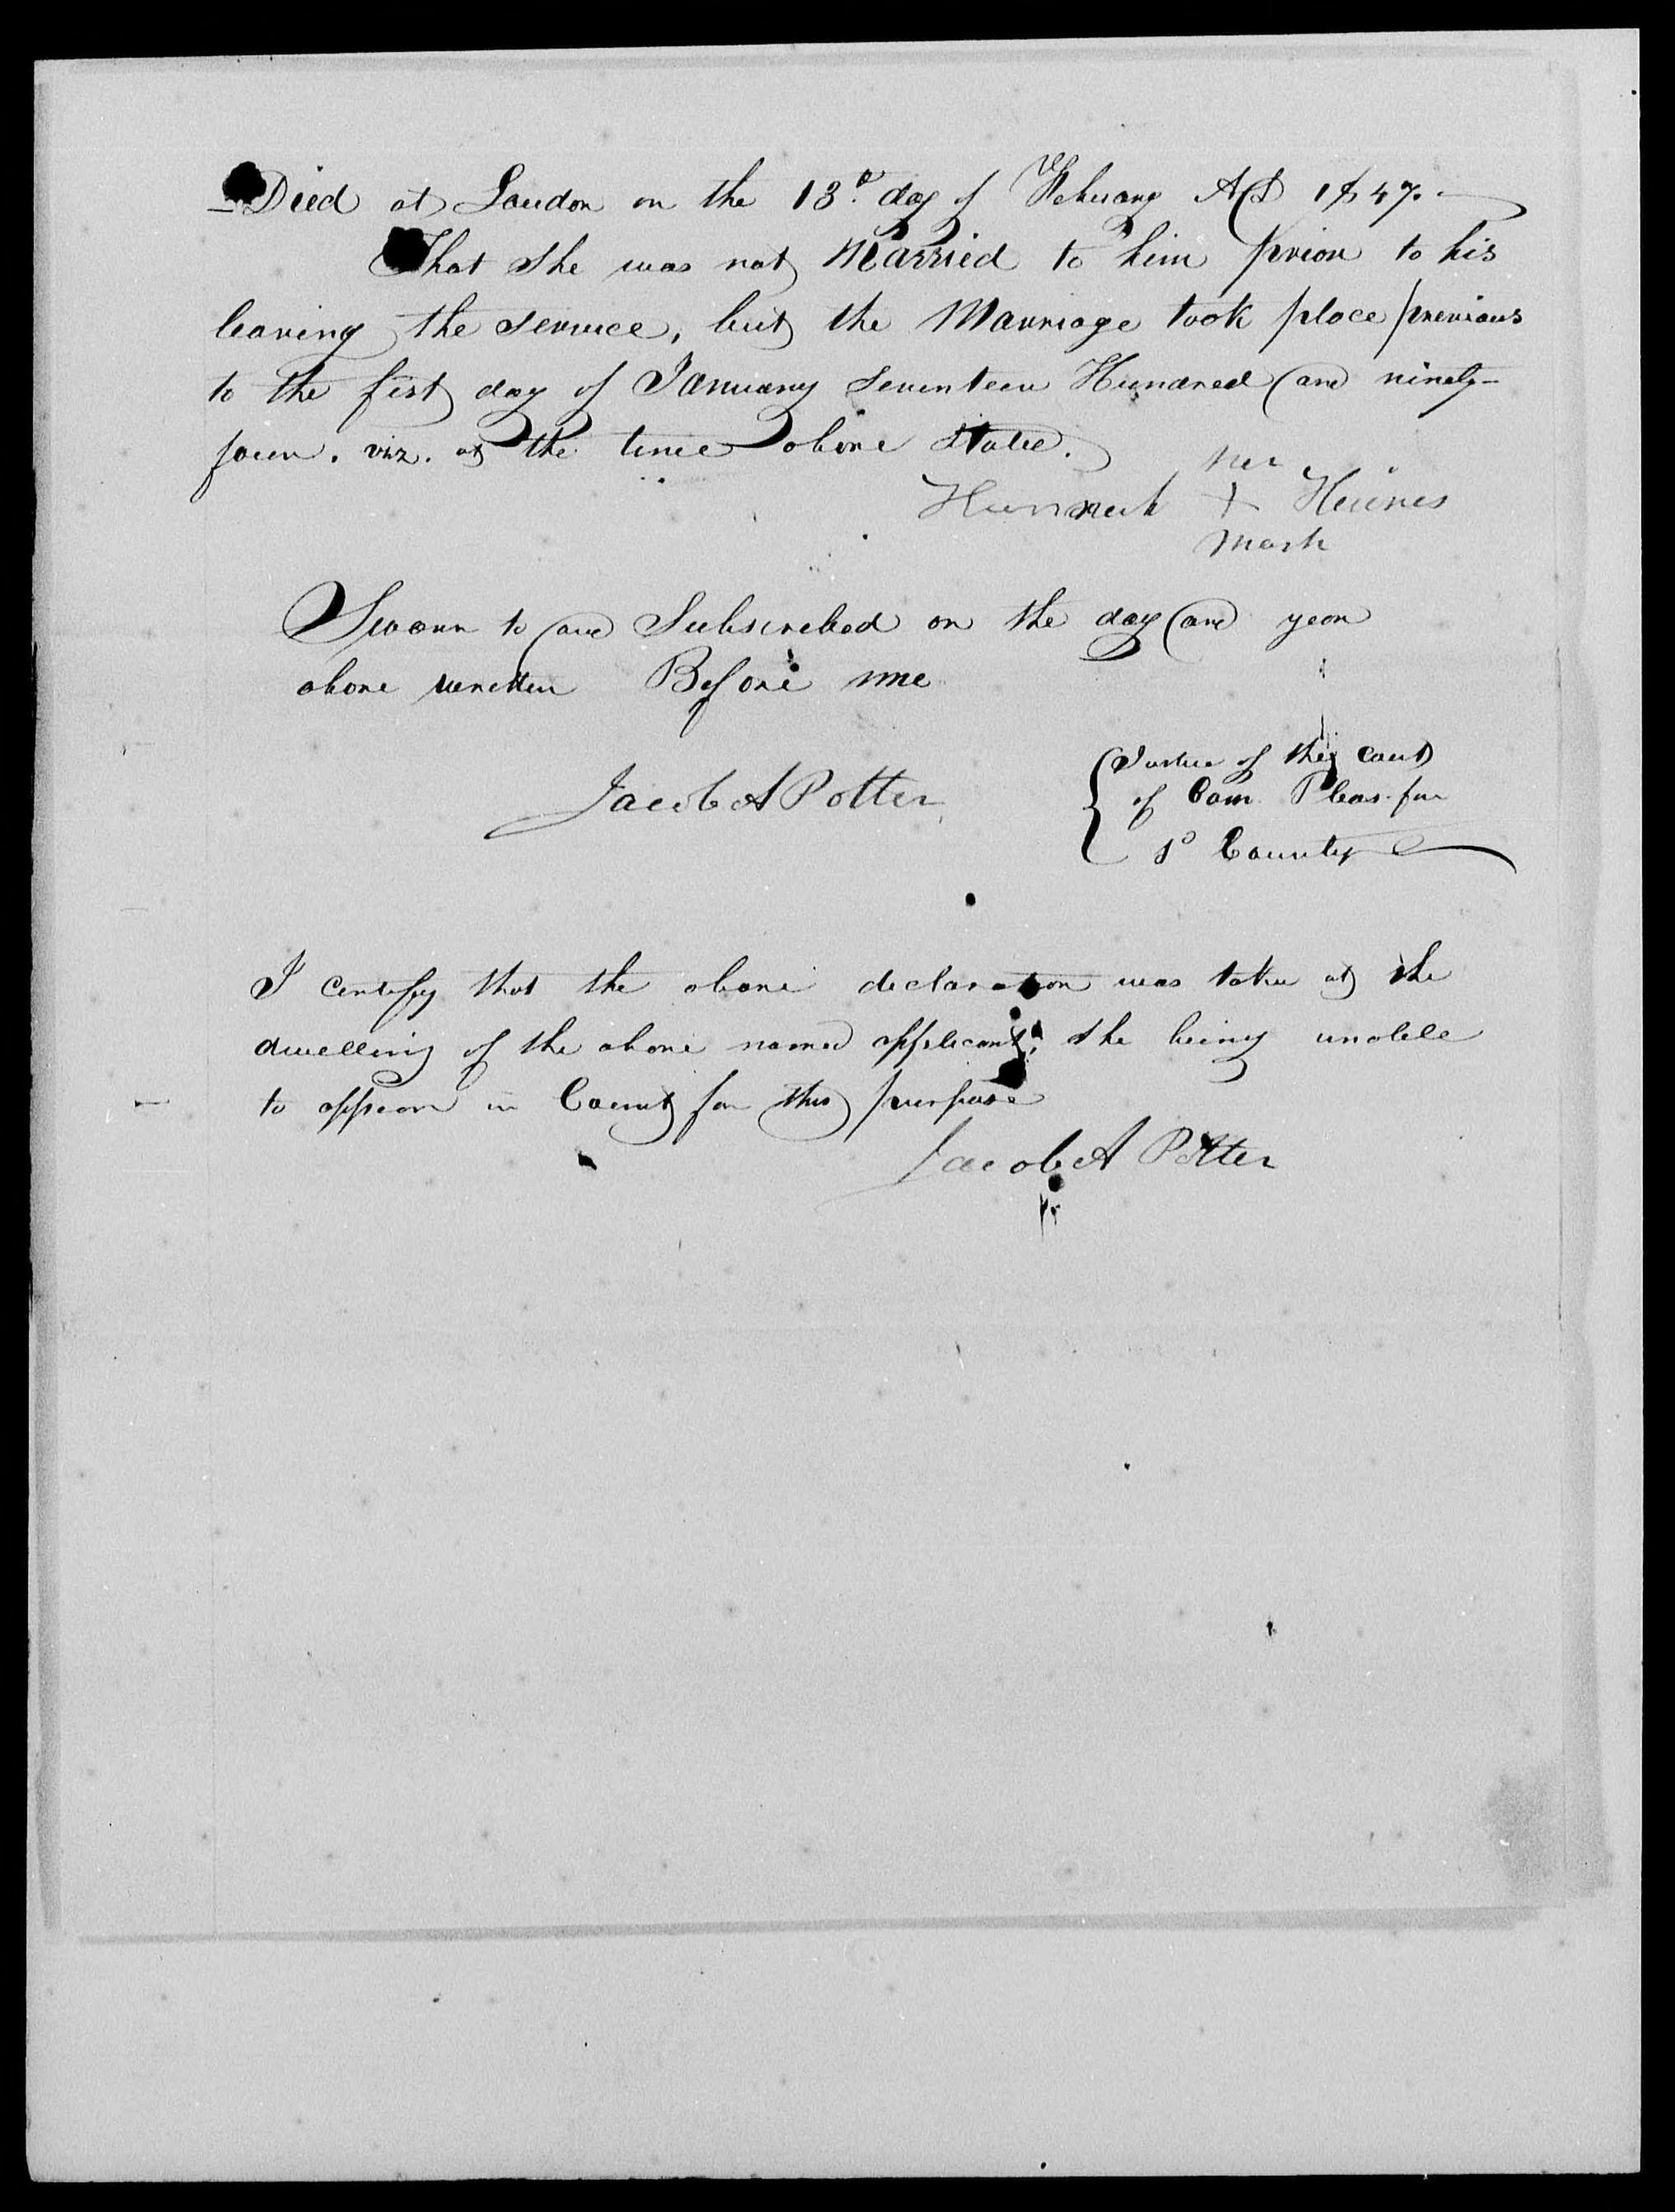Died at Loudon on the 18th day of February AD 1847.
      That She was not married to him prior to his leaving the service, but the marriage took place previous to the first day of January Seventeen Hundred and ninety-four, viz. of the time above stated.  
                         her
           Hannah  X    Haines
                        mark

Sworn to and Subscribed on the day and year above written Before me
 
        Jacob A Potter  { Justice of the court 
                                      of Com Pleas for
                                      S[ai]d County

I certify that the above declaration was taken at the dwelling of the above named applicant, She being unable to appear in Court for this purpose
                    Jacob A Potter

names: Jacob A Potter, Hannah Haines, Jacob A Potter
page: 9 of 57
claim: widow's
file: W. 23217, Thomas Haines, N H